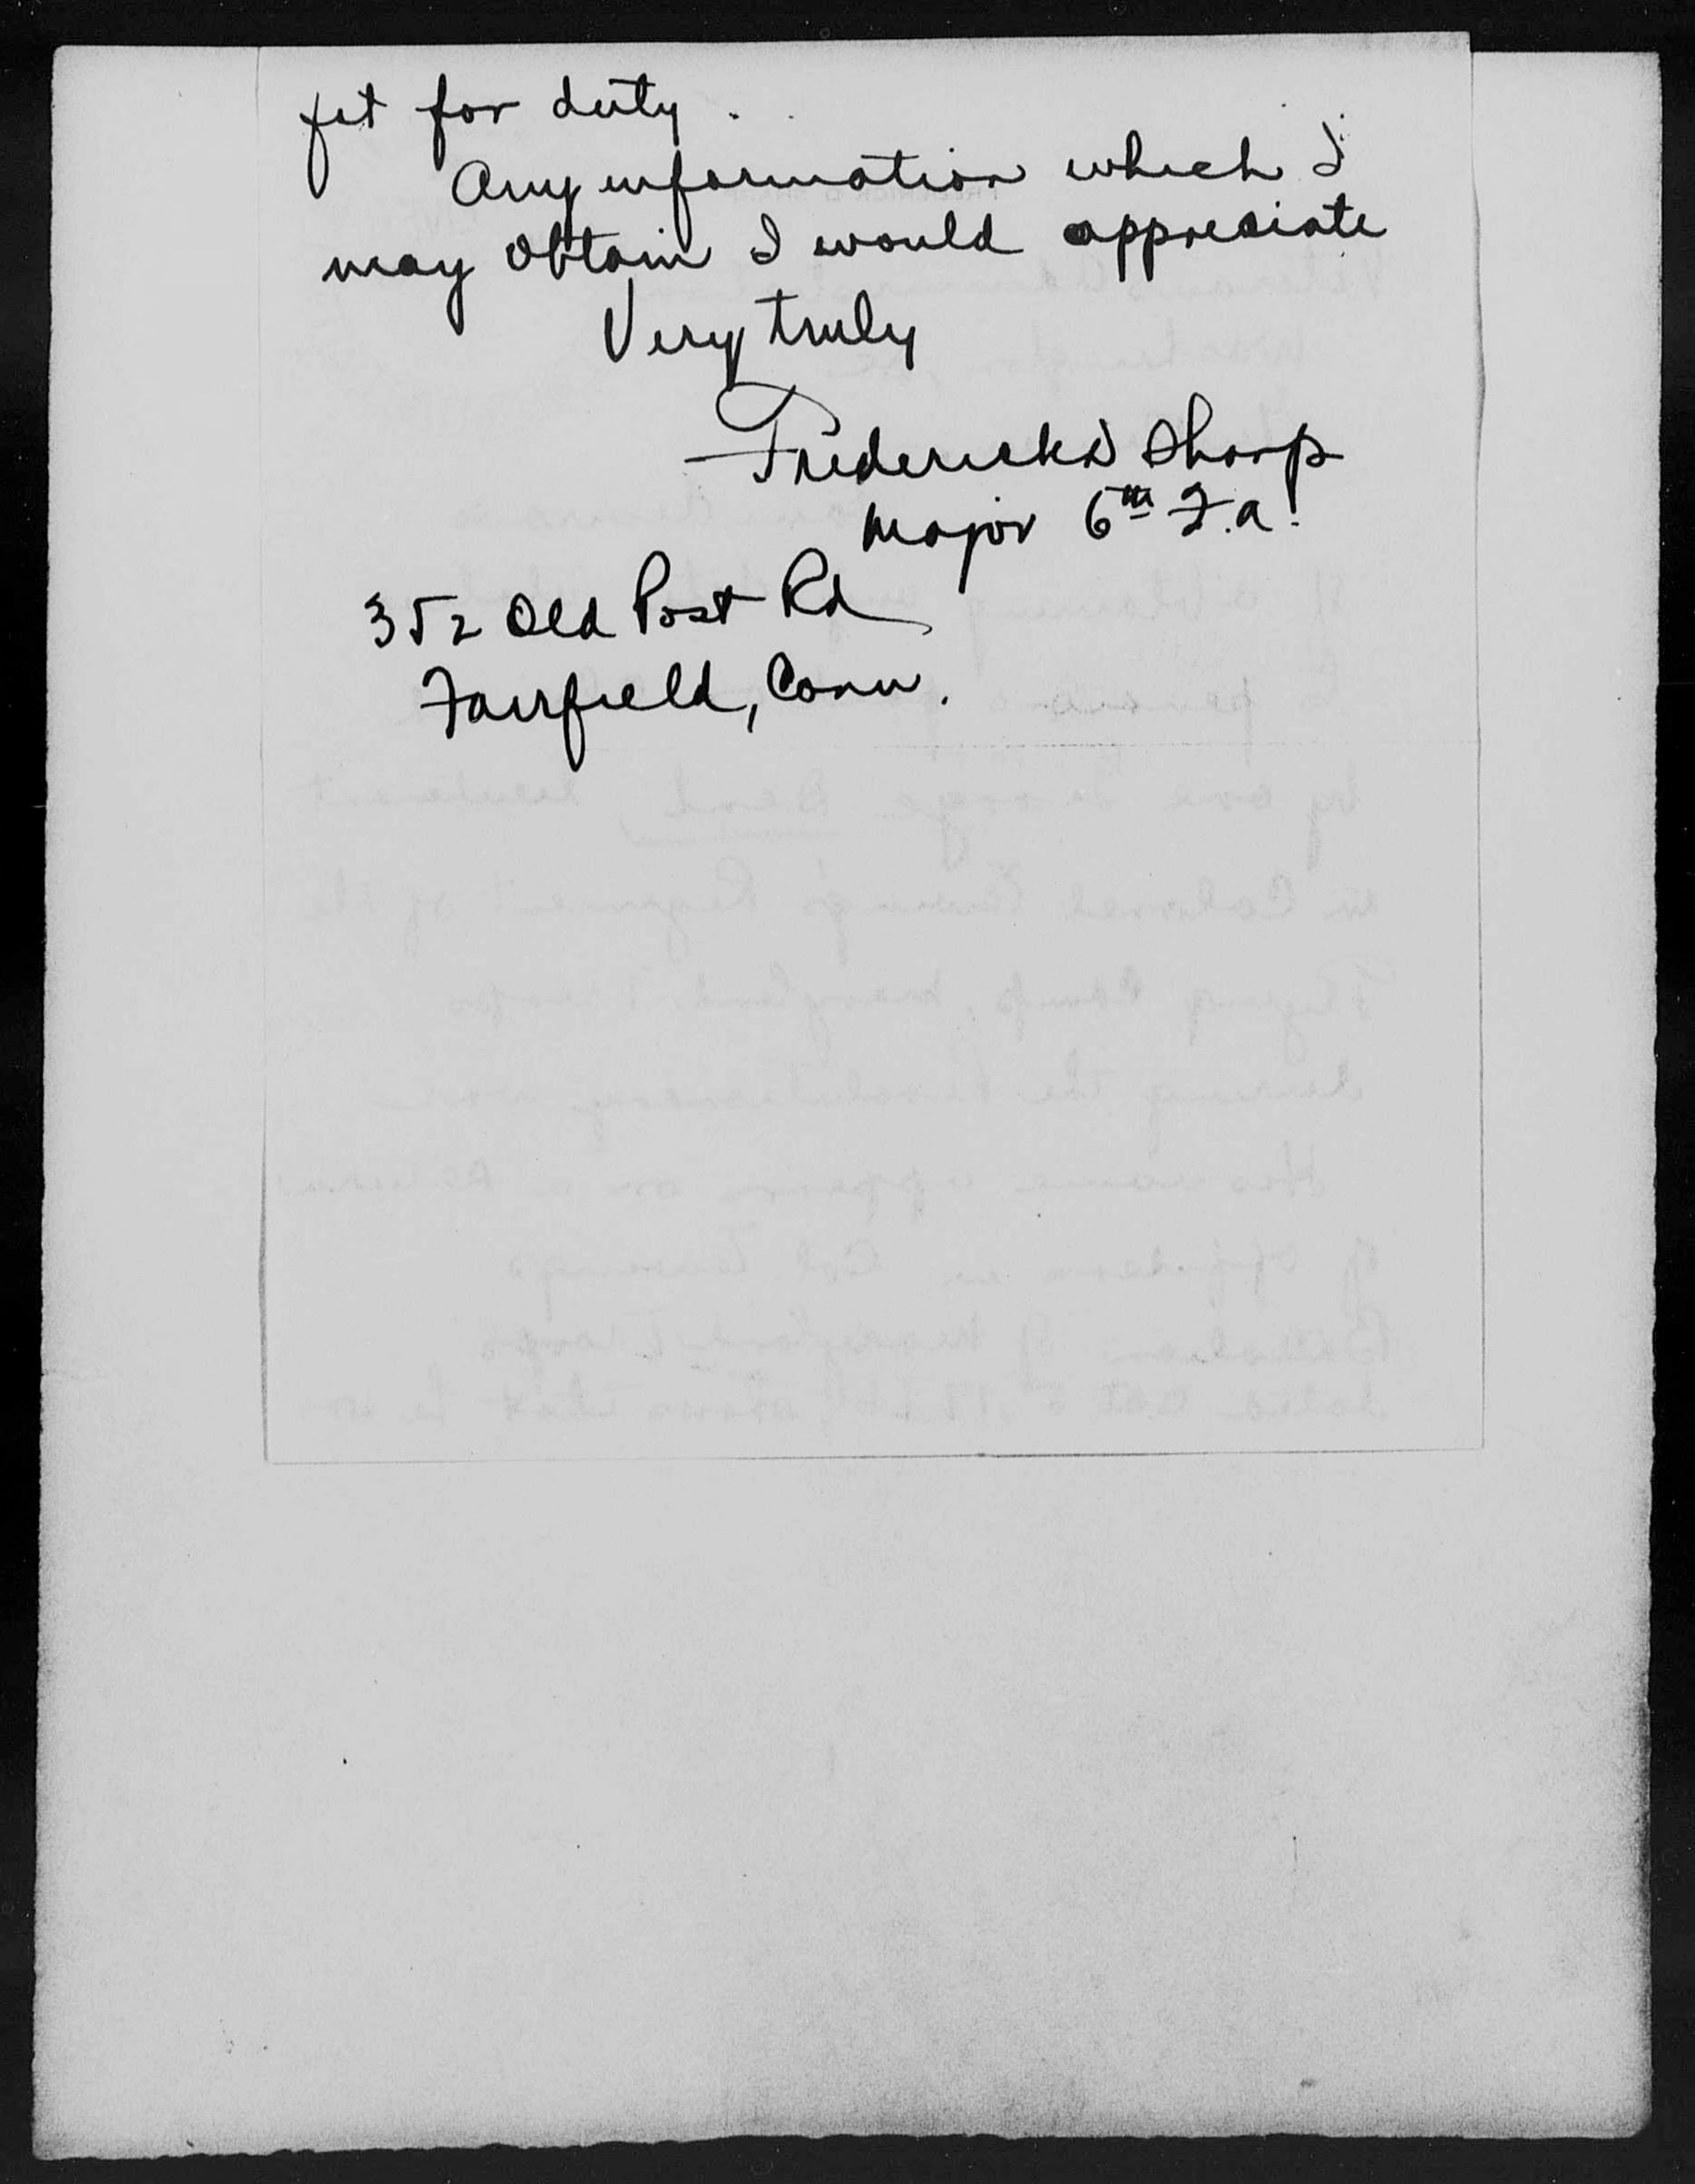fit for duty.
Any information which I may obtain I would appreciate.
Very truly
Frederick Sharp
Major 6th [illegible]
352 Old Post Rd
Fairfield, Conn.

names: Frederick D Sharp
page: 26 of 49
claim: survivor's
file: S. 12755, George Dent, Md.